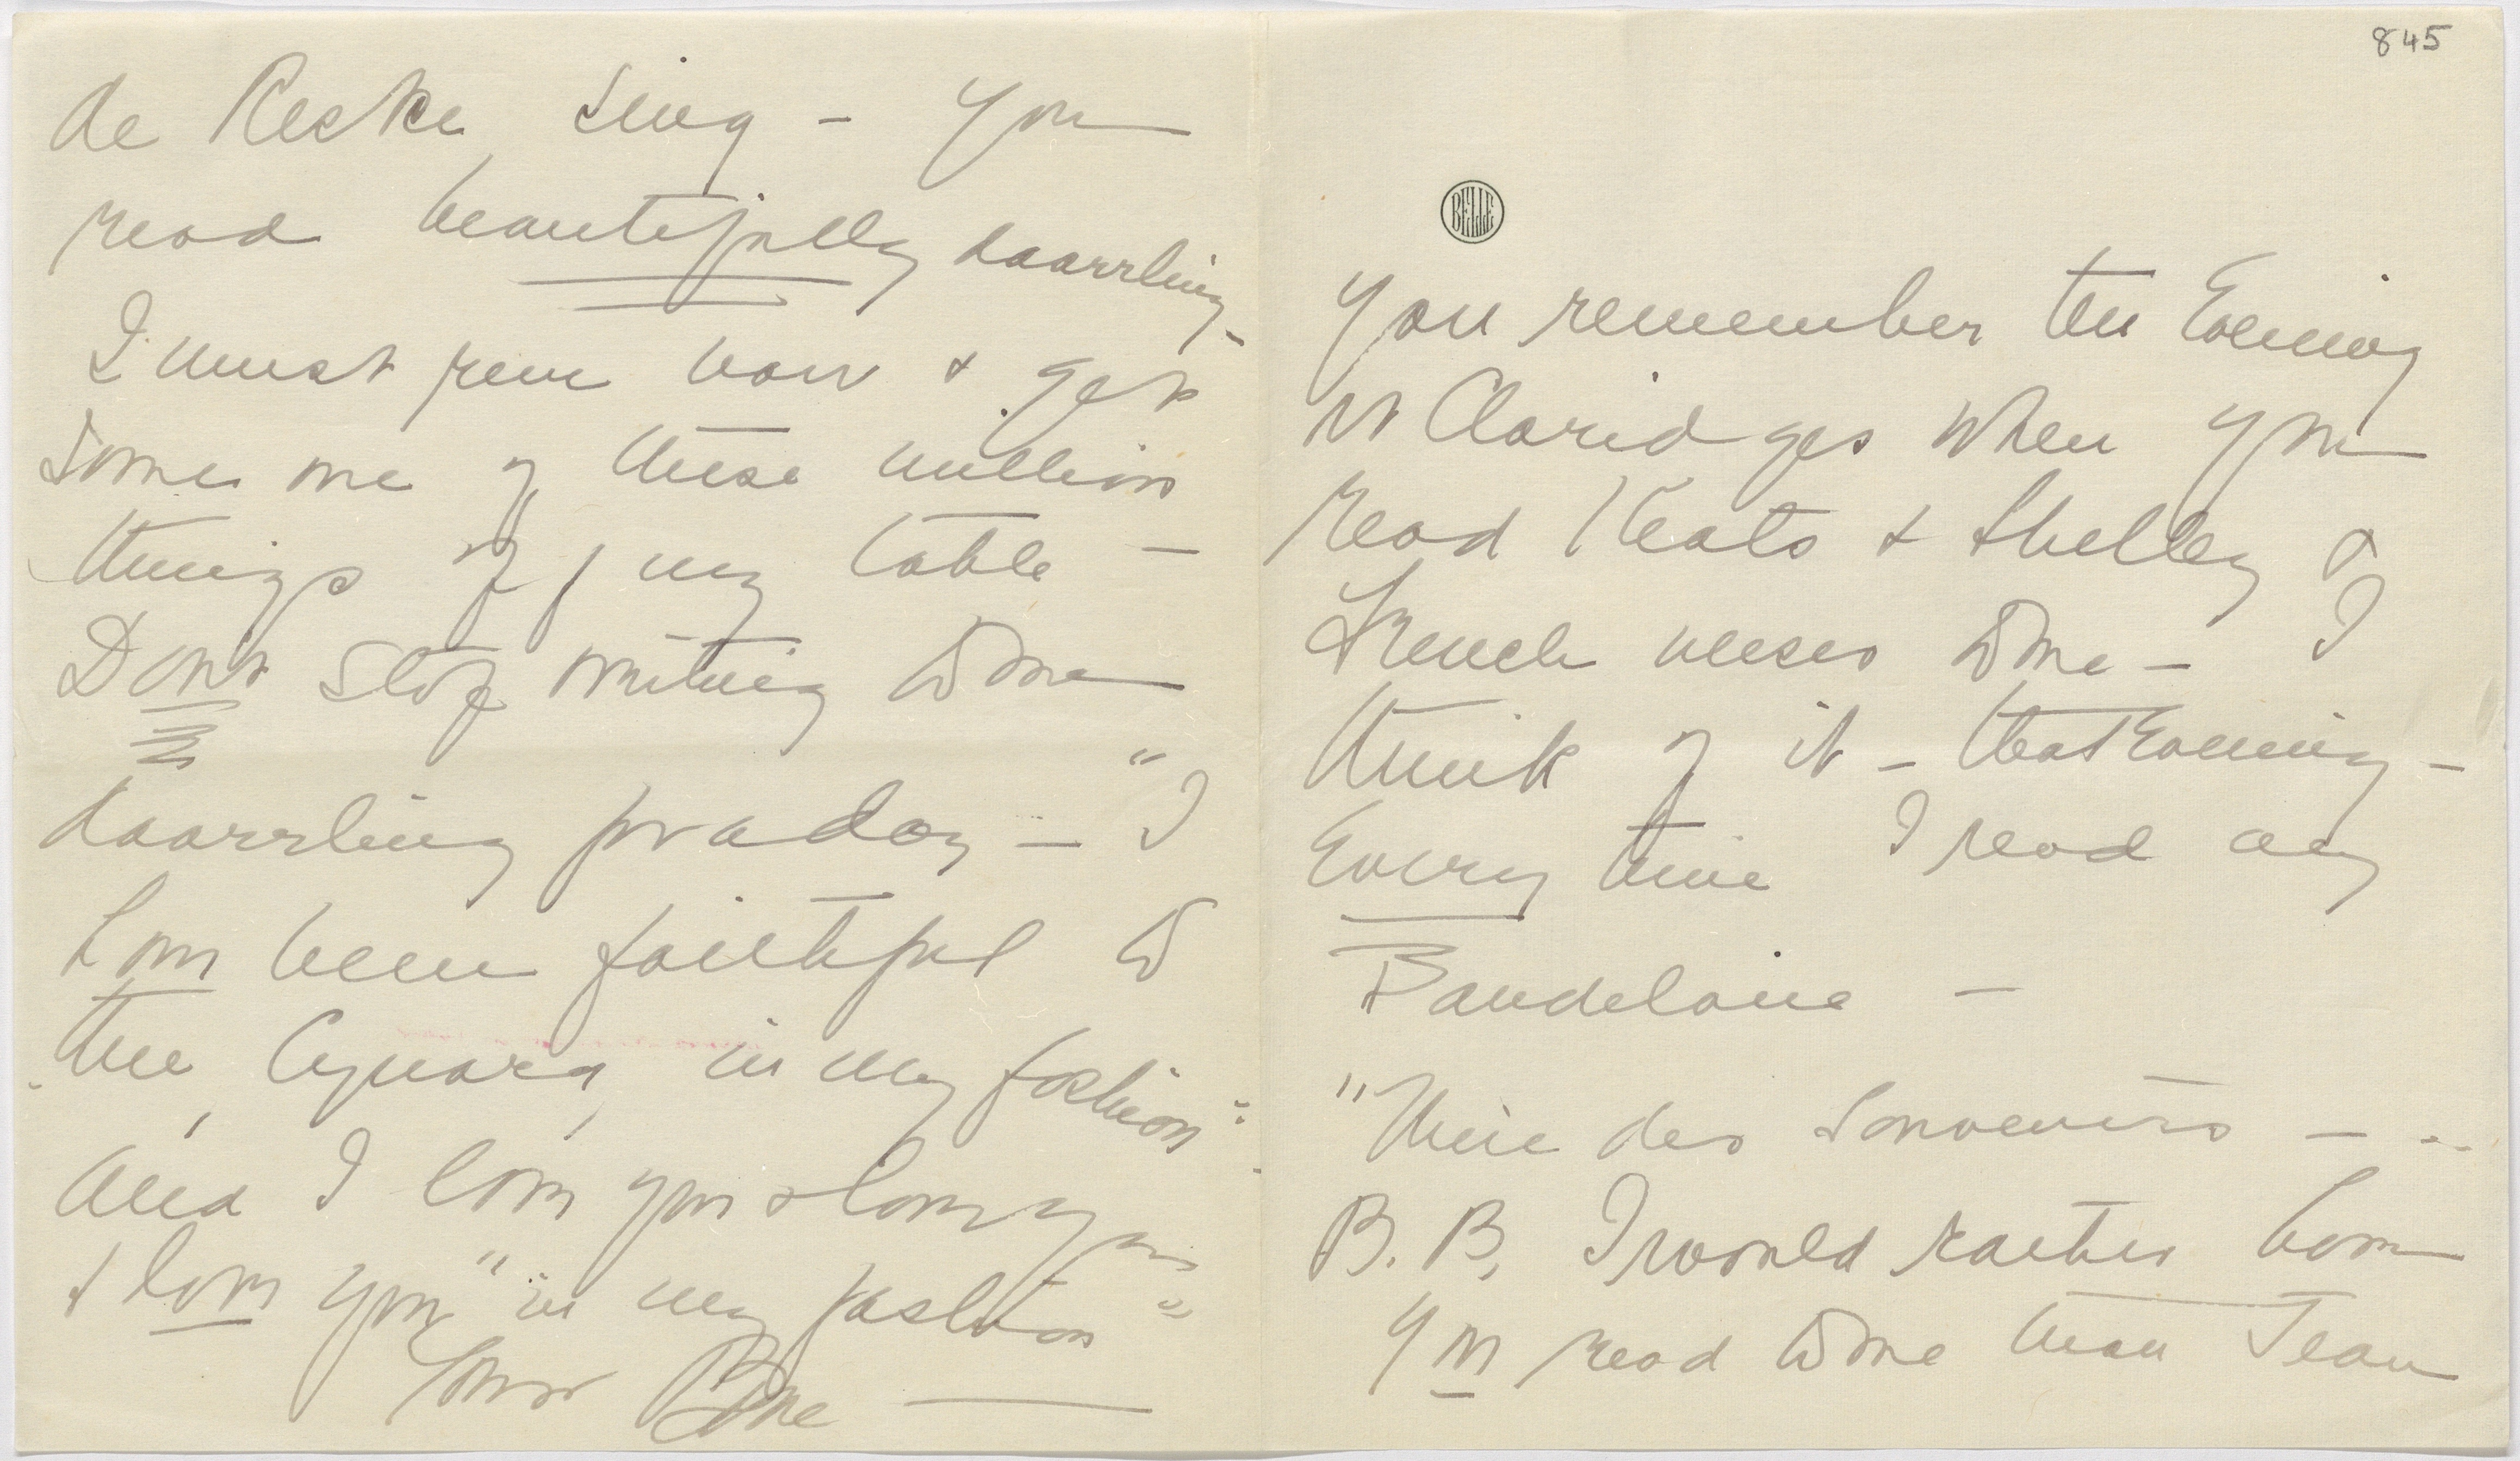you remember the Evening at Claridges when you read Keats & Shelley & French verses to me – I think of it – that evening Every time I read my Baudelaire –
"Mère des souvenirs –” B. B. I would rather have you read to me than Jean
de Reske sing – you read [double underlined: beautifully] daarrling –
I must run now & get some one of these million things off my table – [quadruple underlined: Don’t] stop writing to me daarrling for a day – “I have been faithful to thee, Cynara, in my fashion” and I love you & love you & love you “in my fashion”
Your Belle –